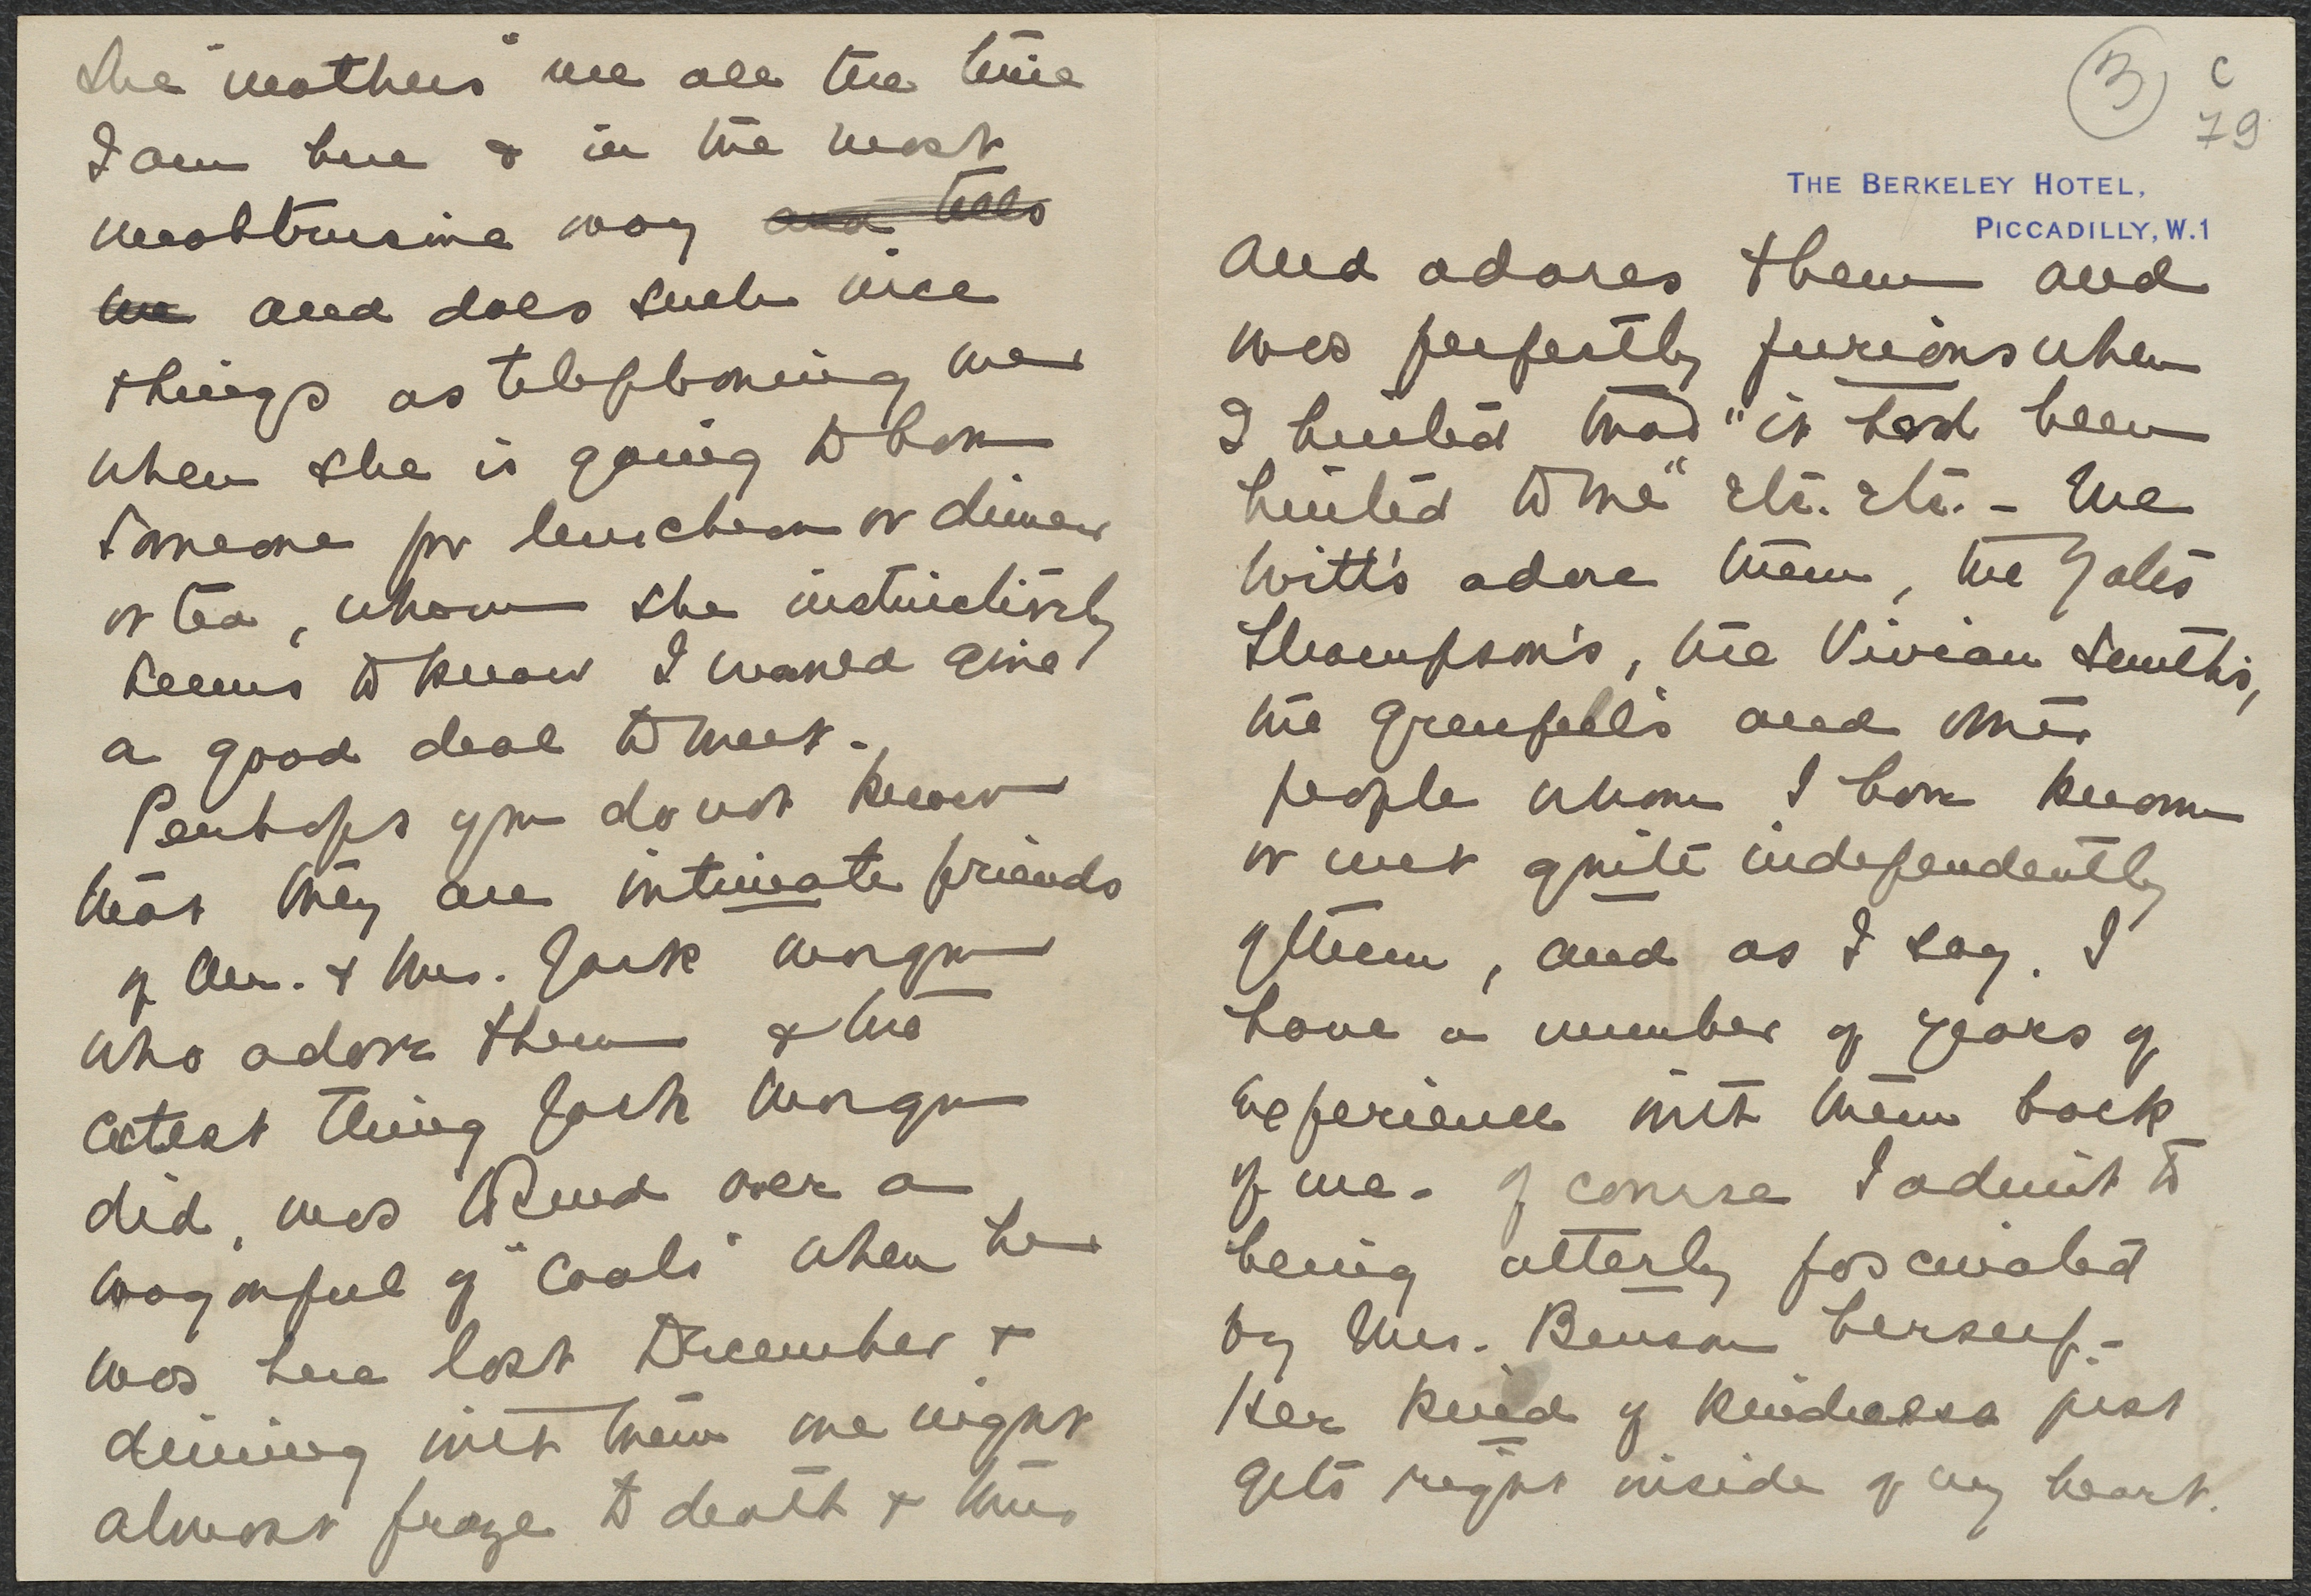and adores them and was perfectly furious when I hinted that "it had been hinted to me" etc. etc. – The Witt's adore them, the Yates Thompson's, the Vivian Smith's, the Grenfell's and other people whom I have known or met quite independently of them, and as I say, I have a number of years of experience with them back of me. of course I admit to being utterly fascinated by Mrs. Benson herself – Her kind of kindness just gets right inside of my heart.
She "mothers" me all the time I am here & in the most unobtrusive way and tells me and does such nice things as telephoning me when she is going to have someone for luncheon or dinner or tea, whom she instinctively seems to know I would give a good deal to meet.
Perhaps you do not know that there are intimate friends of Mr. & Mrs. Jack Morgan who adore them & the cutest thing Jack Morgan did, was to send over a wagonful of "coals" when he was here last December & dining with them one night almost froze to death & thus